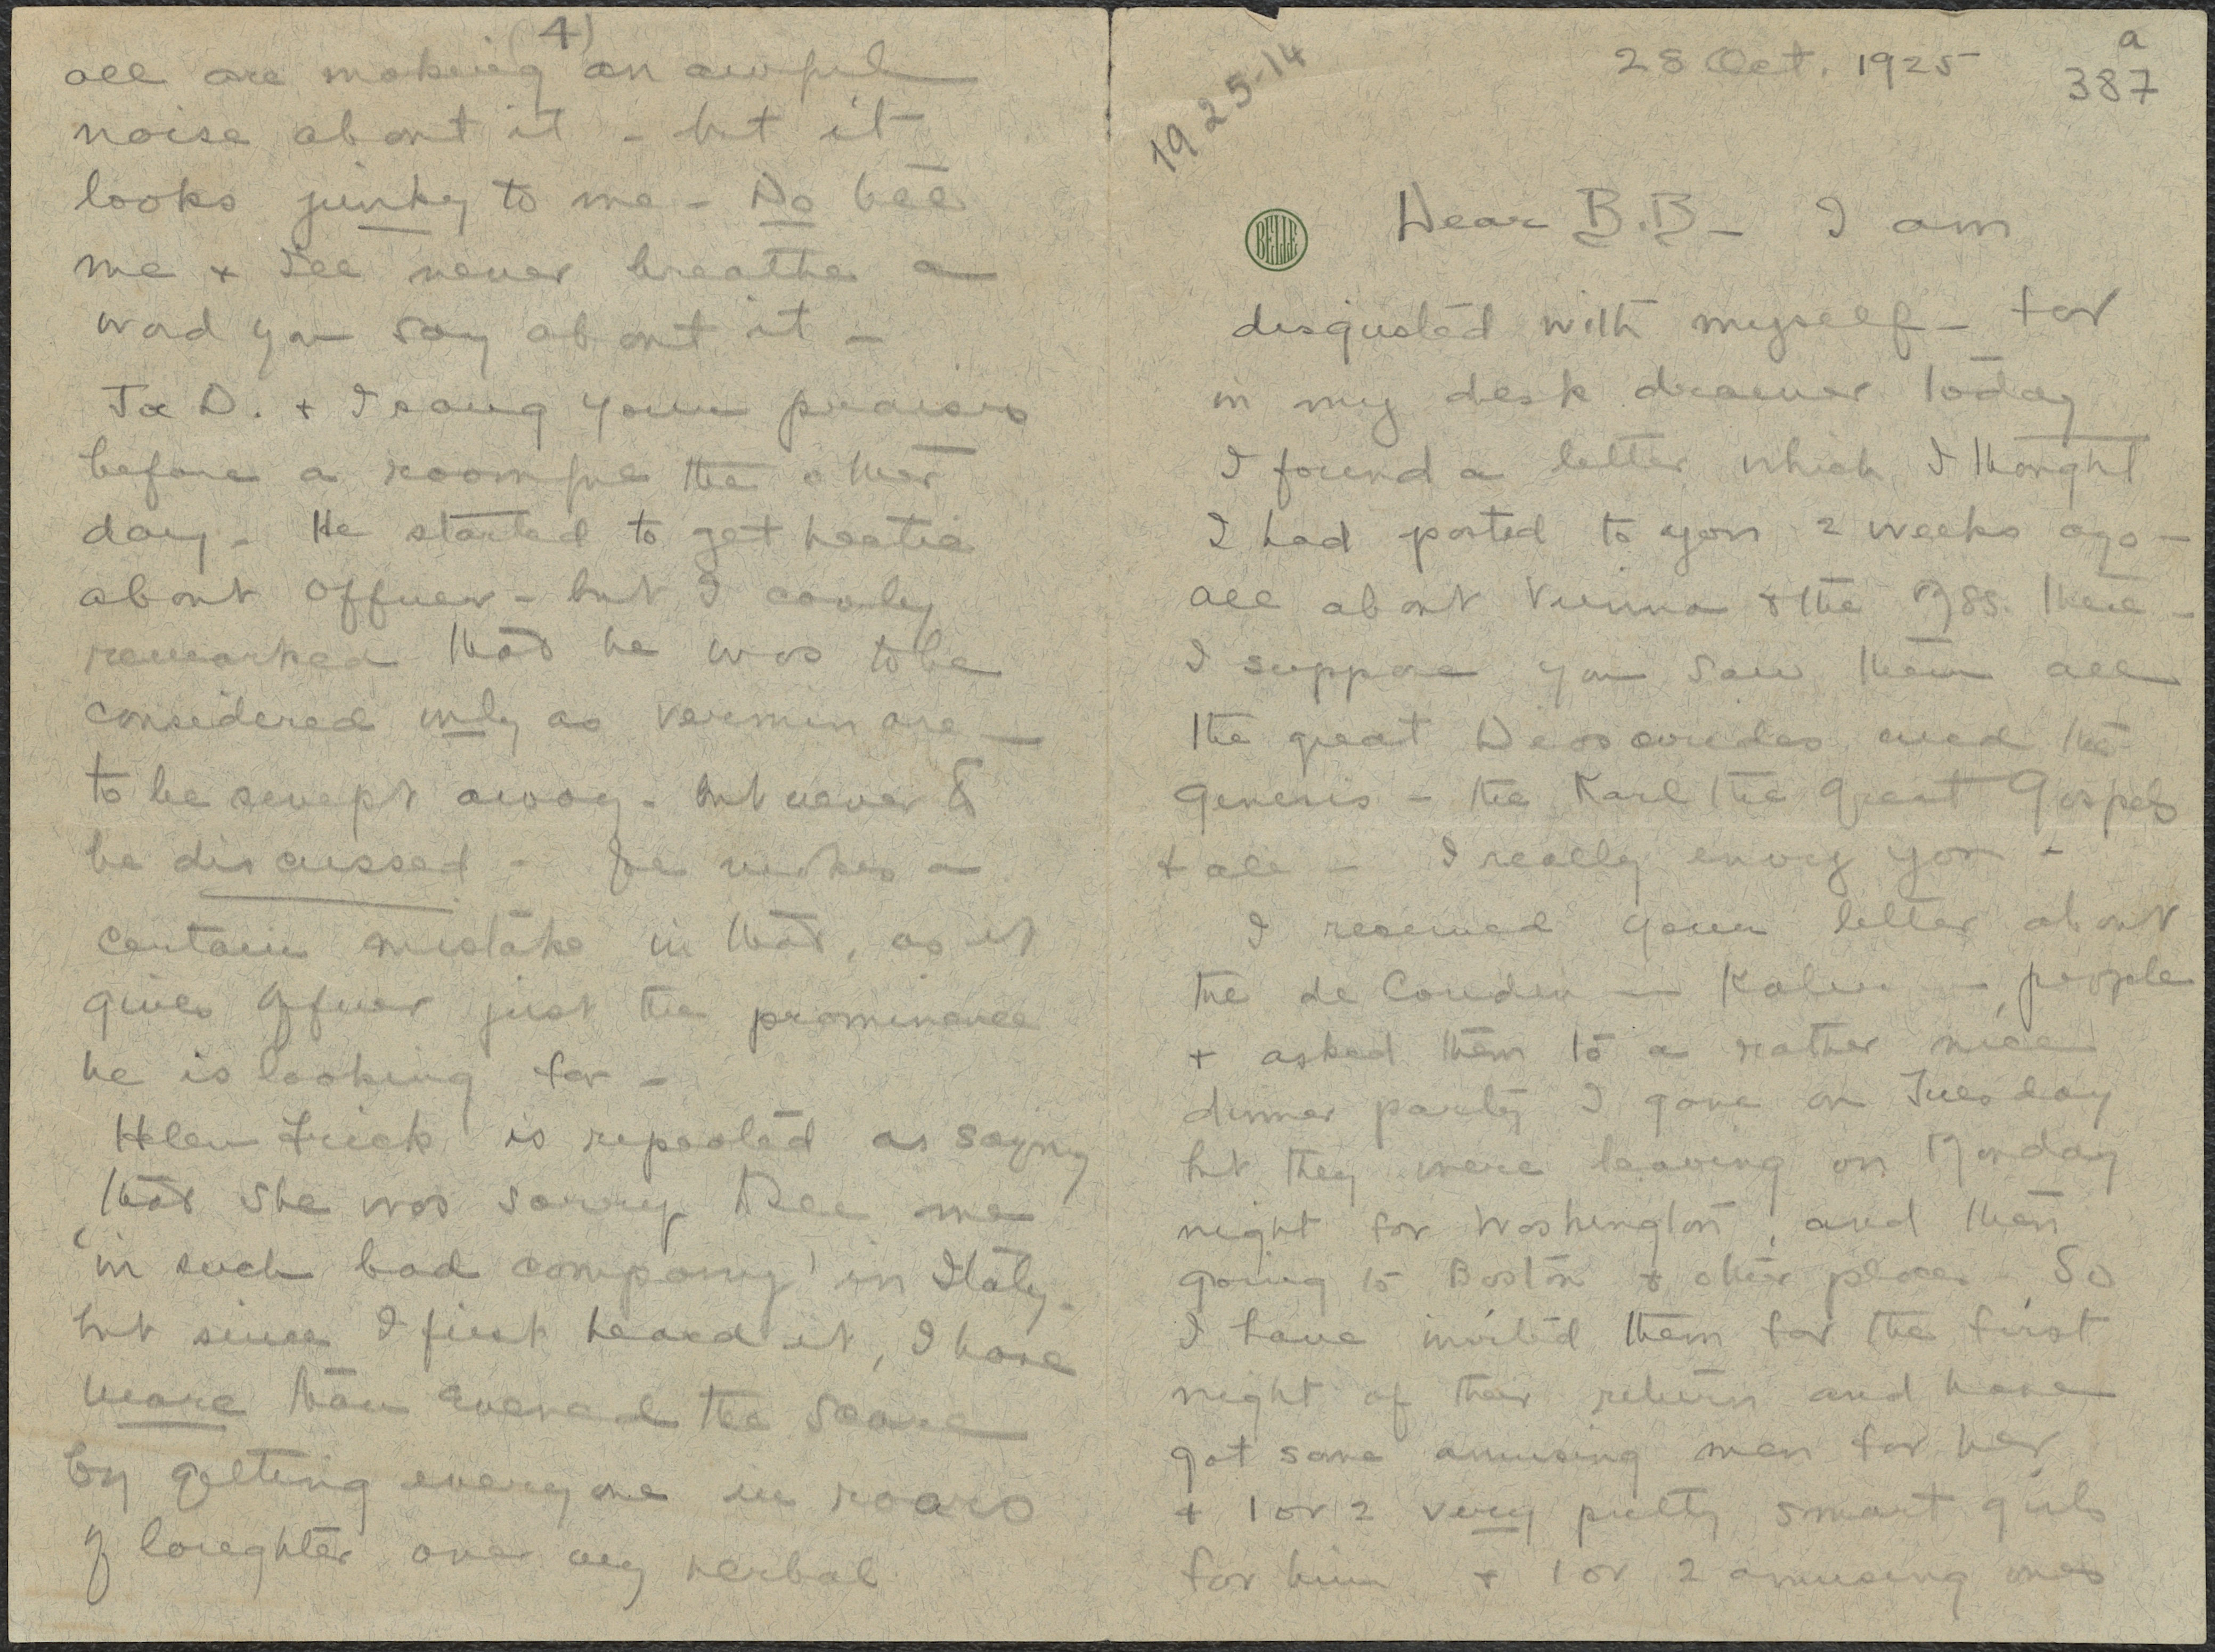all are making an awful noise about it – but it looks junky to me – Do tell me & I'll never breathe a word you say about it –
Joe D. & I sang your praises before a roomful the other day – He started to get hectic about Offner – but I cooly remarked that he was to be considered only as vermin are – to be swept away, but never to be discussed. Joe makes a certain mistake in that, as it gives Offner just the prominence he is looking for –
Helen Frick is repeated as saying that she was sorry to see me ‘in such bad company’ in Italy, but since I first heard it, I have more than evened the score by getting everyone in roars of laughter over my verbal